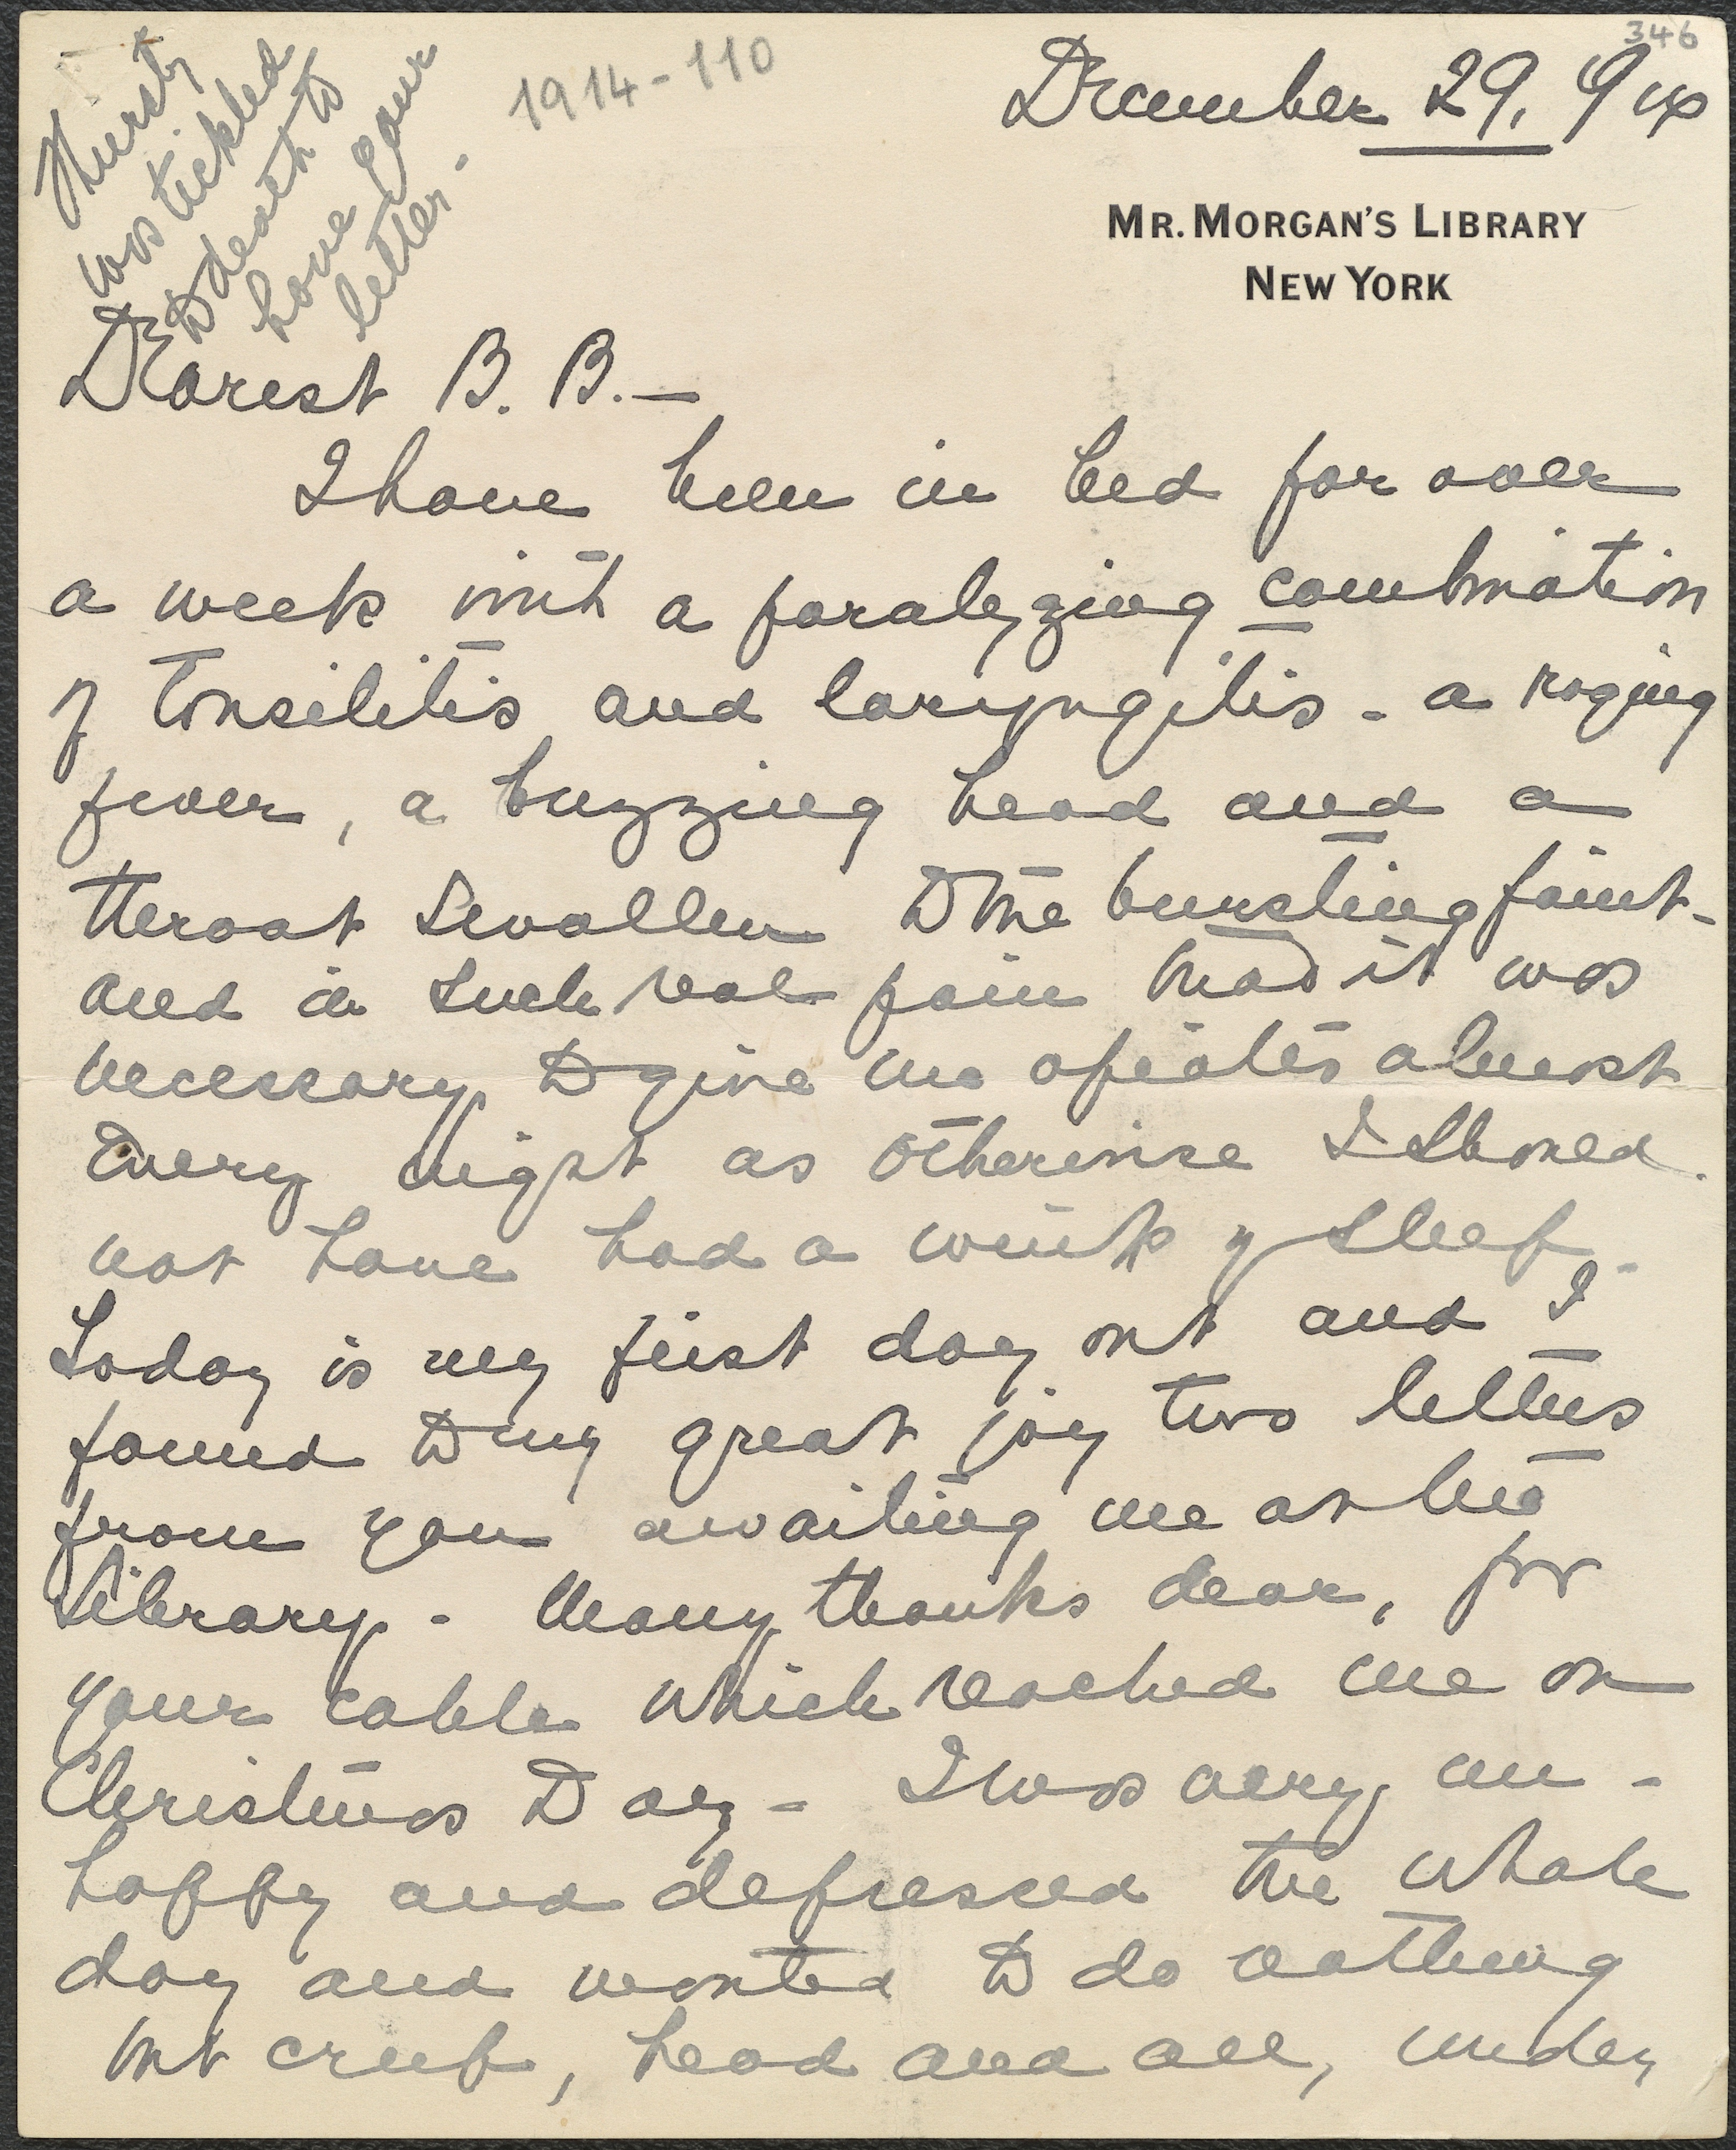[On the top margin, written perpendicular: Thursty was tickled to death to have your letter –]
December 29, 1914
Dearest B.B. –
I have been in bed for over a week with a paralyzing combination of tonsillitis and laryngitis – a raging fever, a buzzing head and a throat swollen to the bursting point – and in such real pain that it was necessary to give me opiates almost every night as otherwise I should not have had a wink of sleep. Today is my first day on and I found such great joy two letters from you awaiting me at the Library – Many thanks dear, for your cable which reached me on Christmas Day – I was very unhappy and depressed the whole day and wanted to do nothing but creep, head and all under